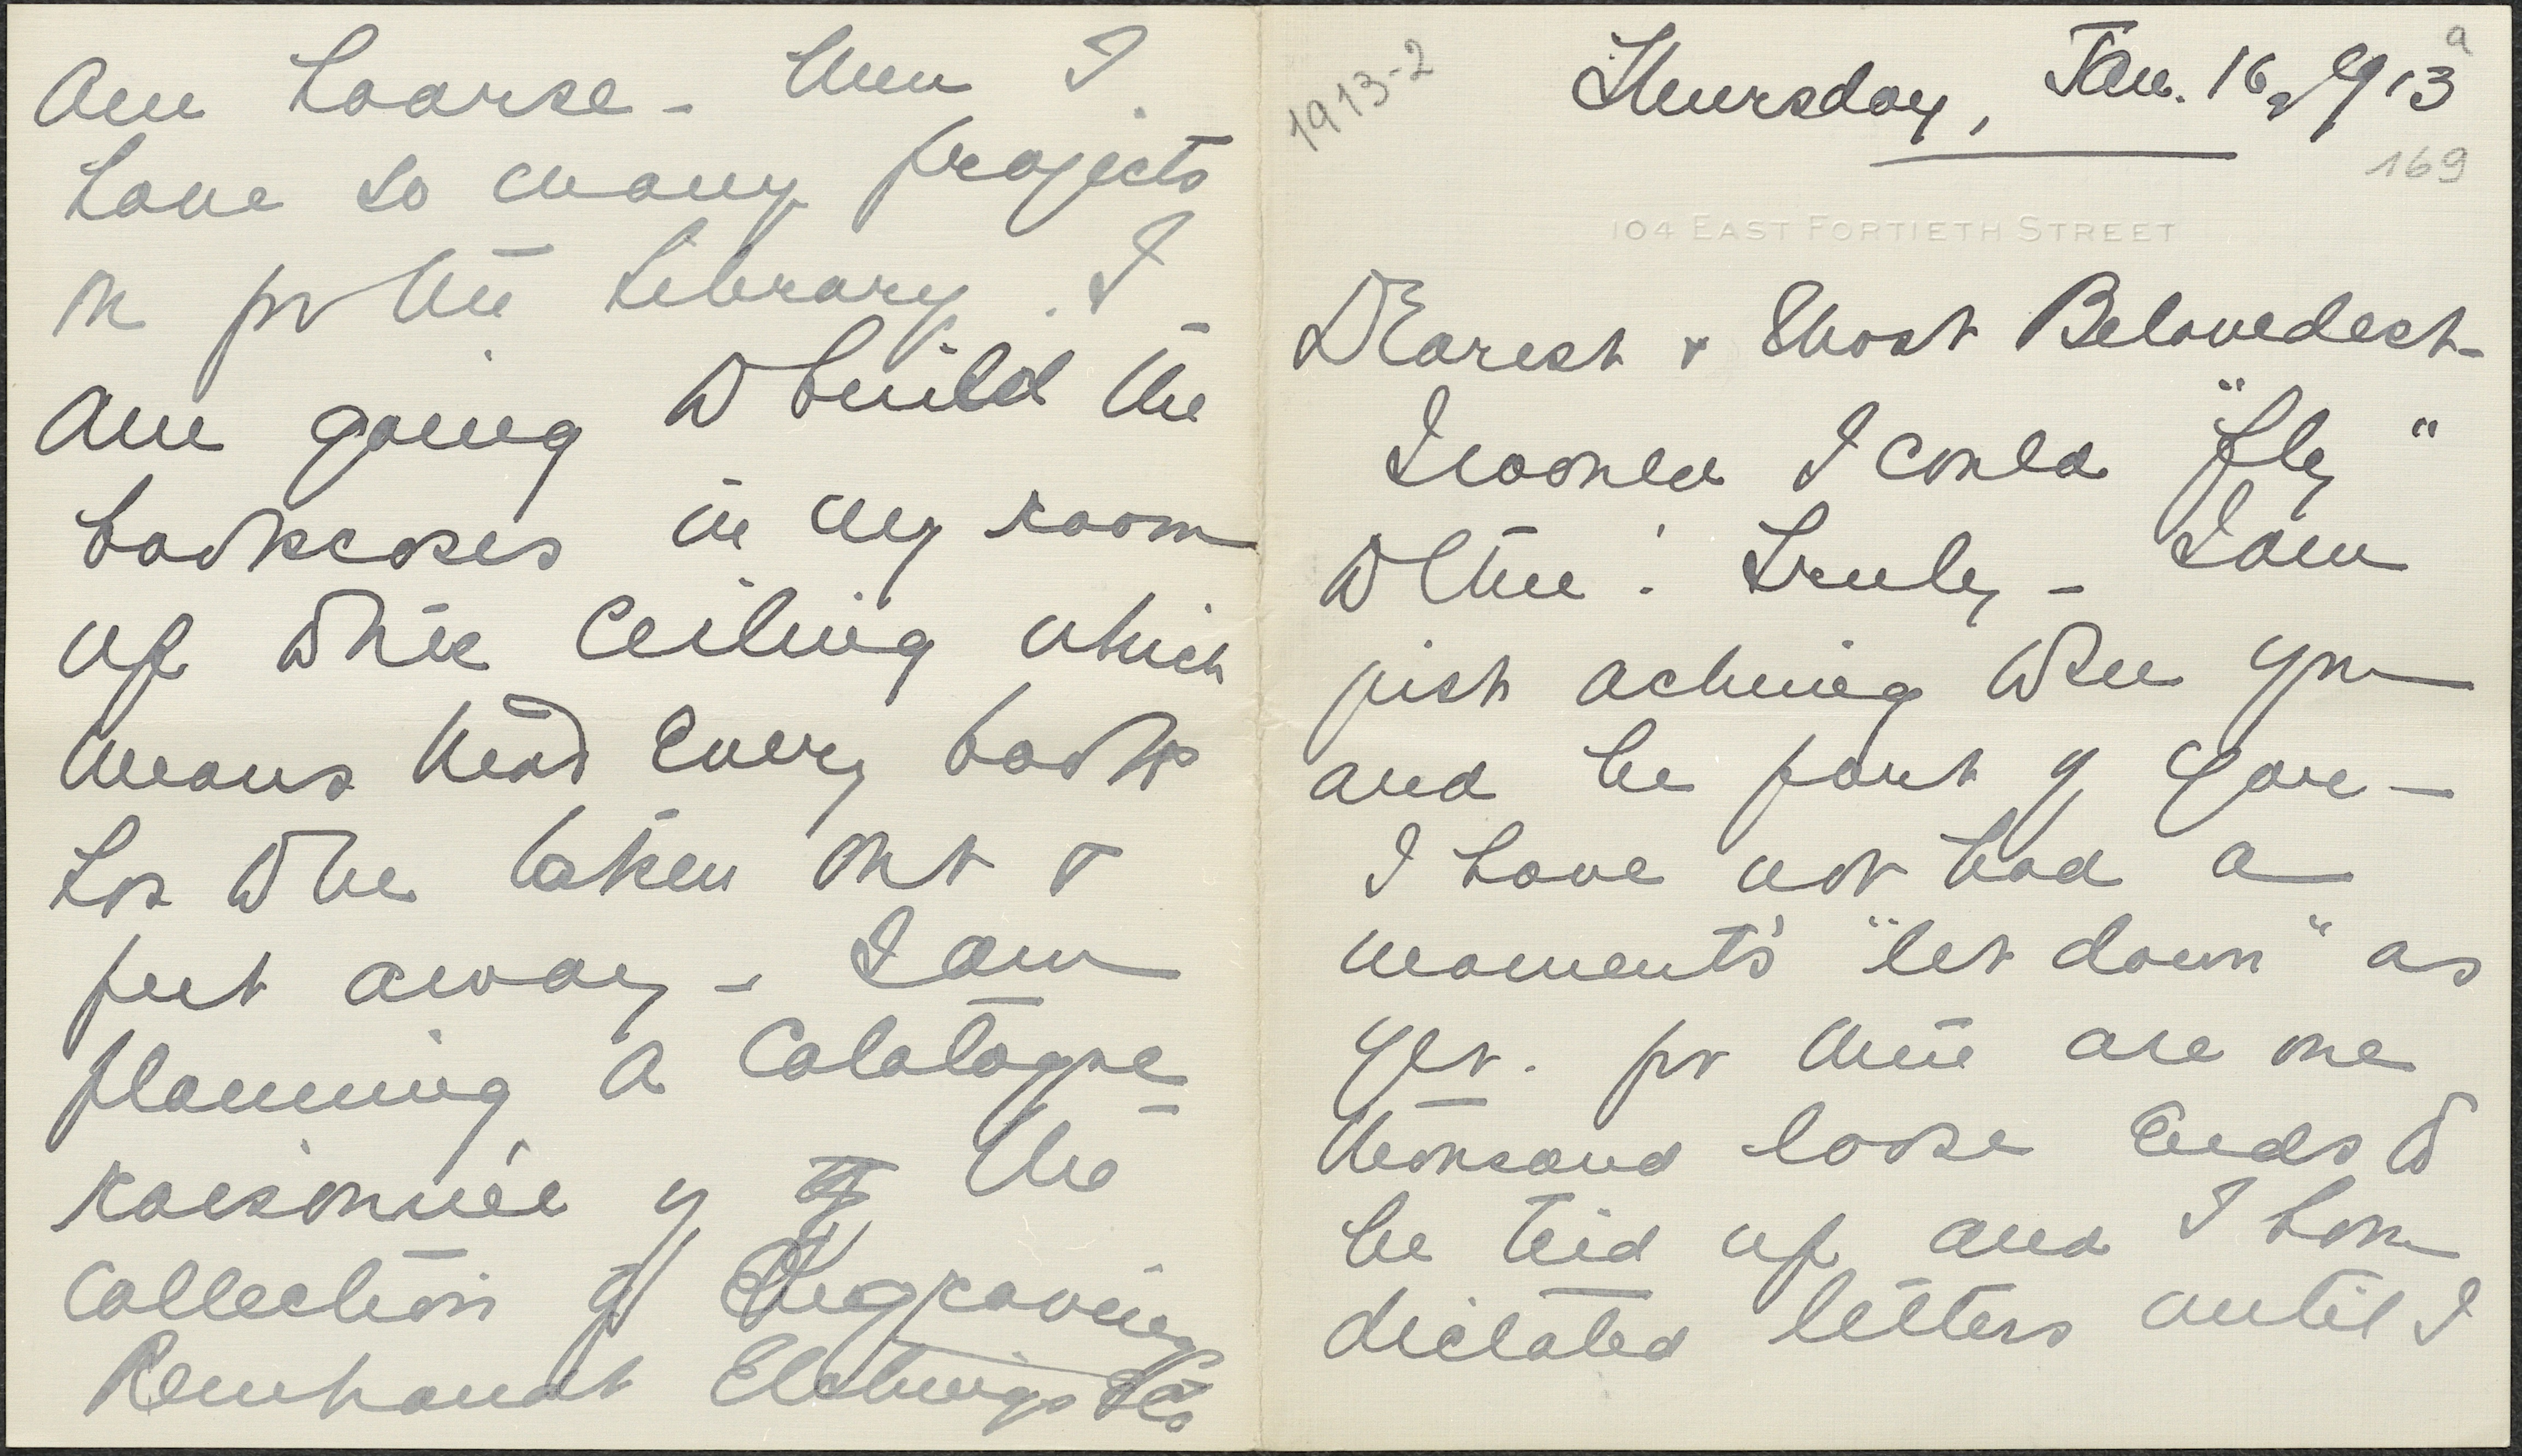Thursday, Jan. 16, 1913
Dearest & Most Belovedest –
I would I could “fly” to thee! Truly – I am just aching to see you and be part of you – I have not had a moment’s “let down” as yet. for there are one thousand loose ends to be tied up and I have dictated letters until I
am hoarse – then I have so many projects on for the Library. I am going to build the bookcases in my room up to the ceiling which means that every book has to be taken out & put away – I am planning a catalogue raisonnée of of the collection of Engravings Rembrandt Etchings etc.